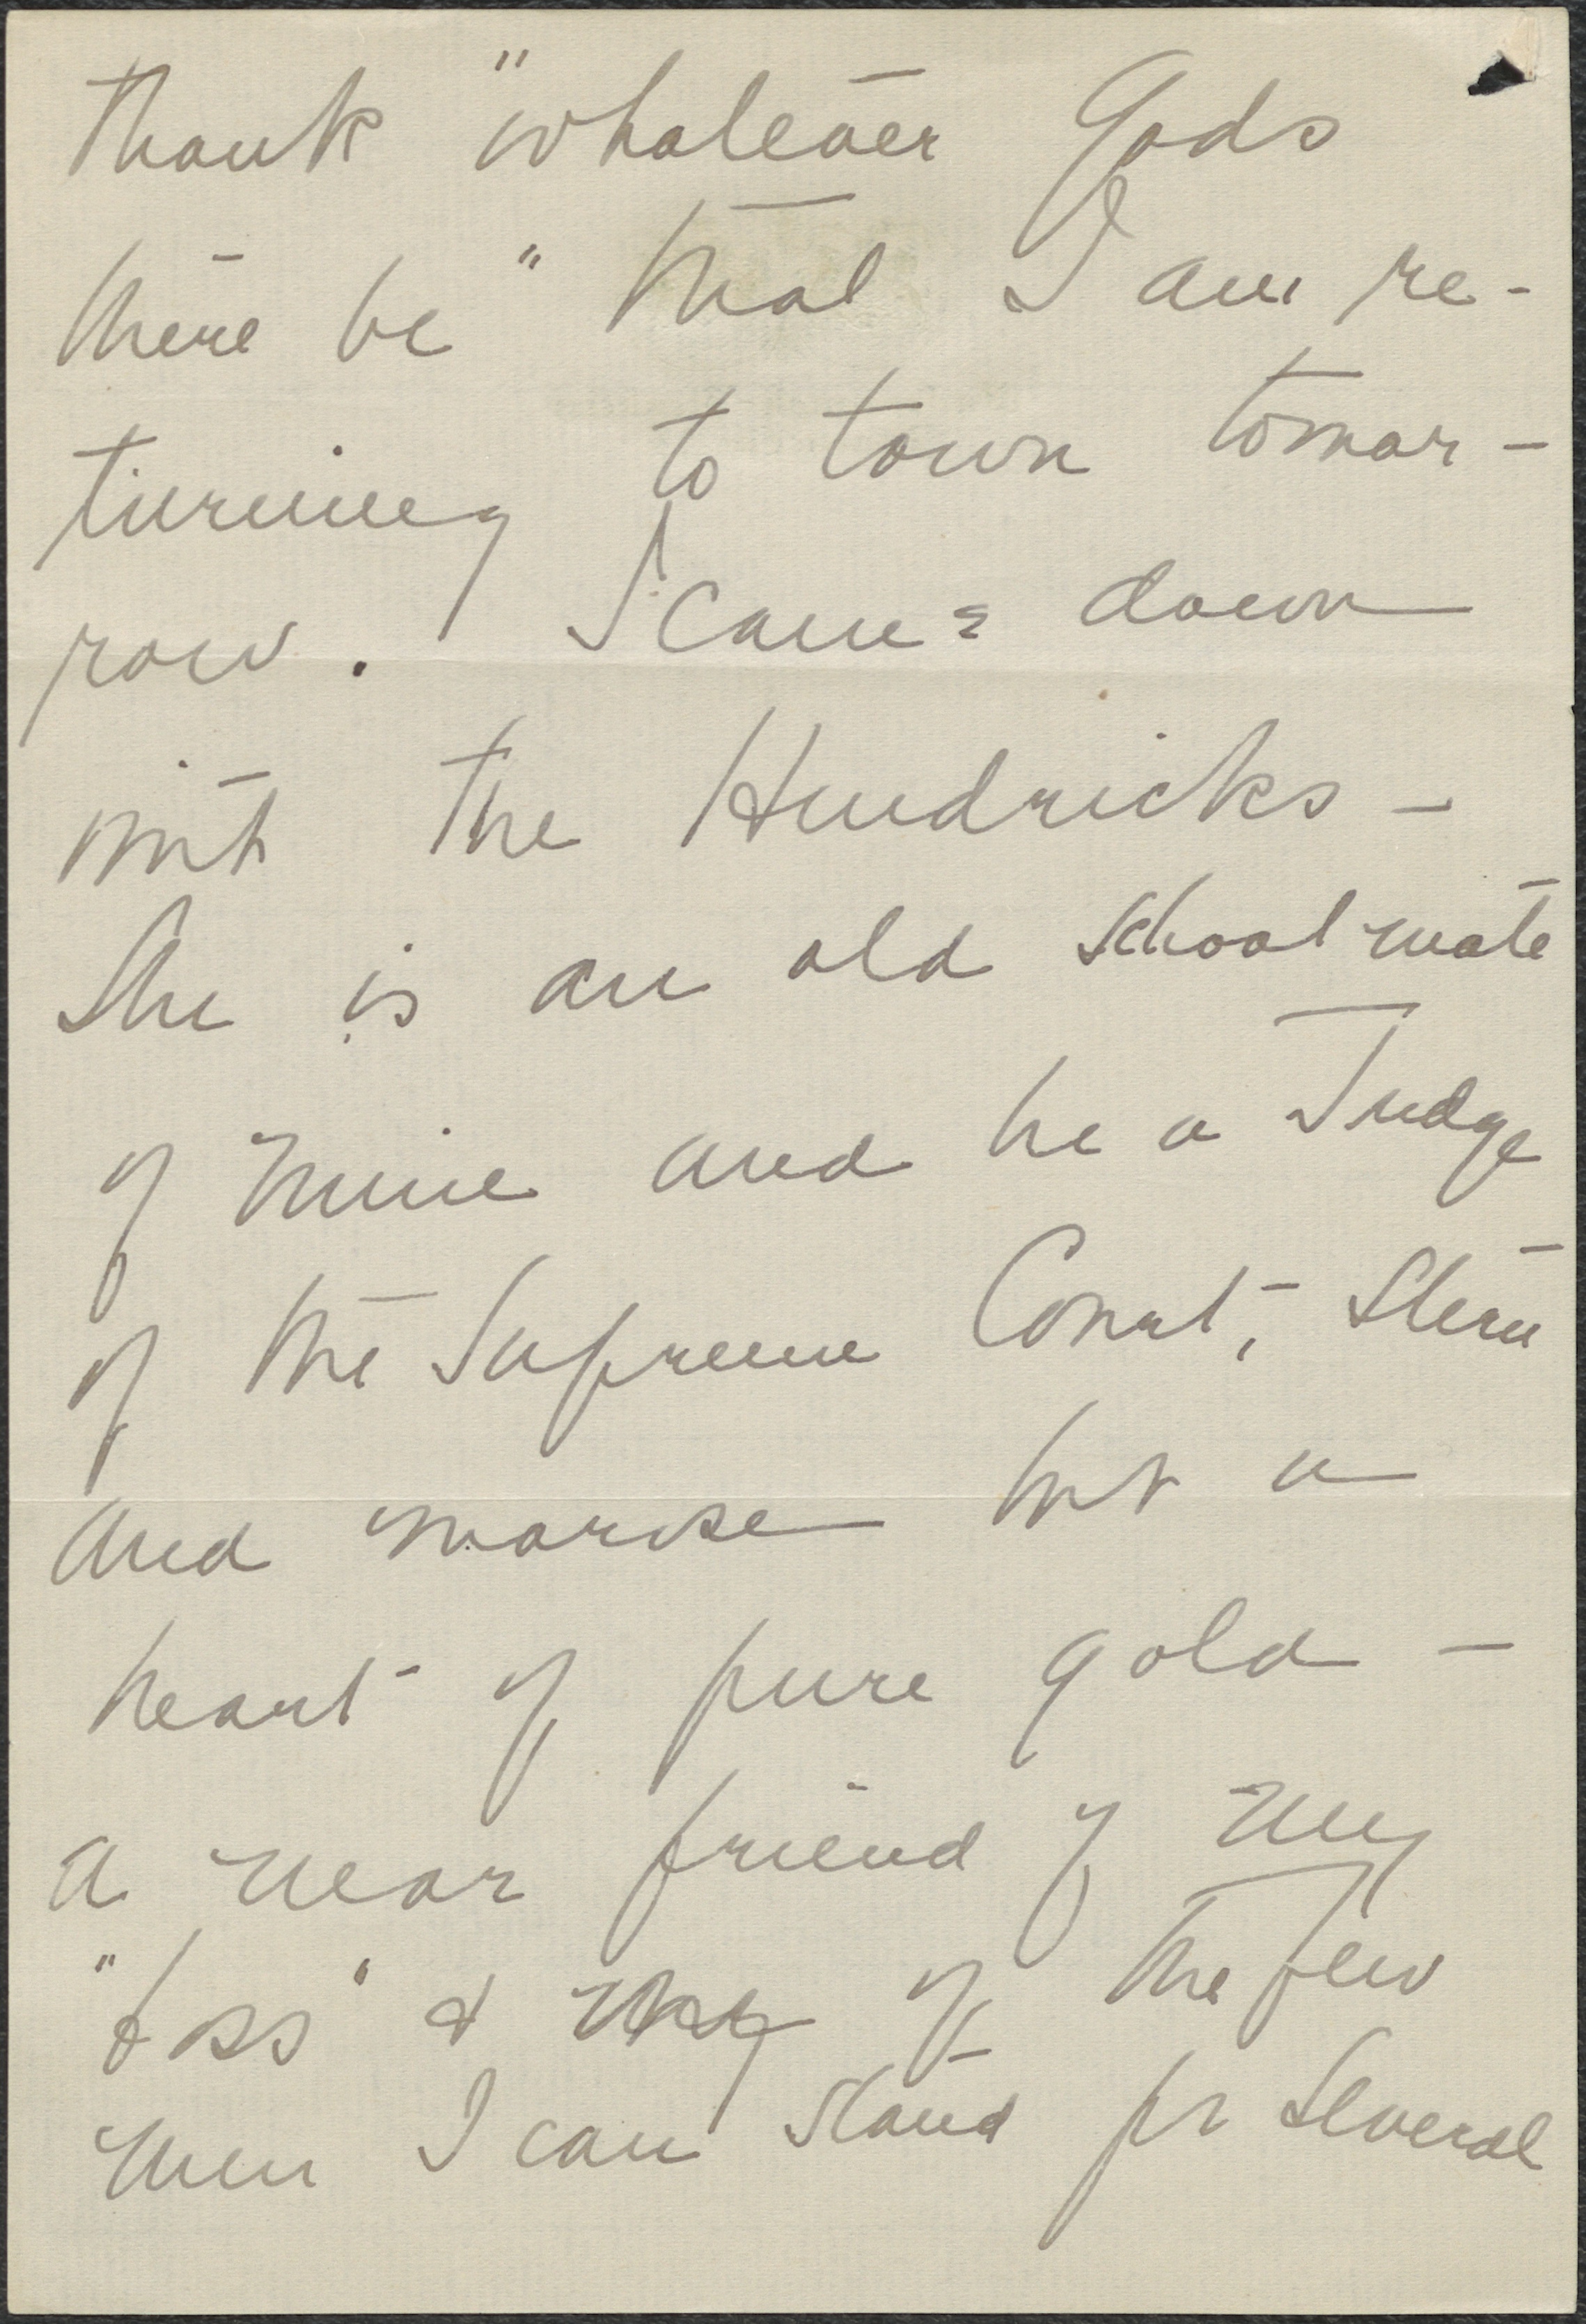thank “whatever Gods there be” that I am returning to town tomorrow. I came down with the Hendricks – She is an old school mate of mine and he a Judge of the Supreme Court, stern and morose but a heart of pure gold – a near friend of my “boss” & one of the few men I can stand for several